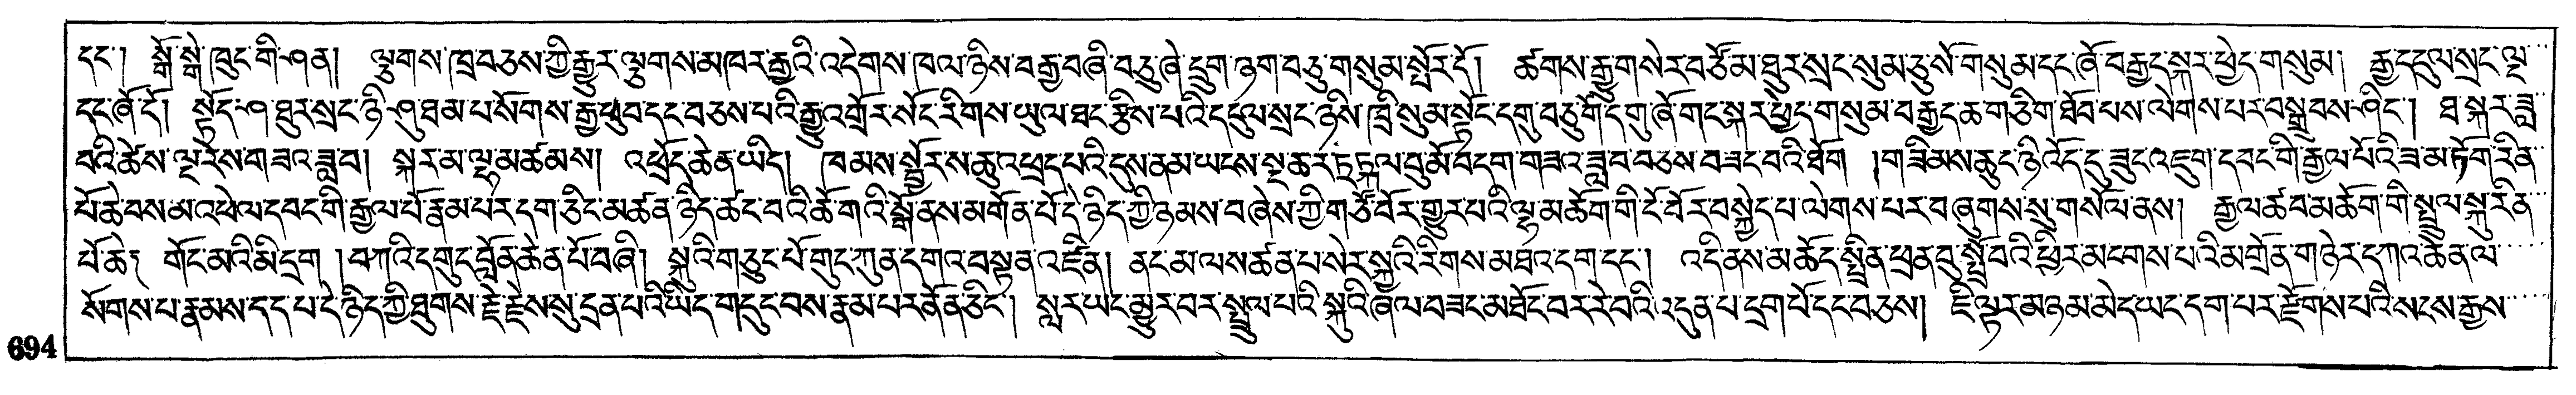དང་། སྒོ་སྒེ་ཁུང་གི་ཤན། ལྕགས་ཁྲ་བཅས་ཀྱི་རྒྱུར་ལྕགས་མཁར་རྒྱའི་འདེགས་ཁལ་ཉིས་བརྒྱ་བཞི་བཅུ་ཞེ་དྲུག་ཉག་བཅུ་གསུམ་སྤོར་དོ། ཚེགས་རྒྱུ་གསེར་བཙོ་མ་ཐུར་སྲང་སུམ་ཅུ་སོ་གསུམ་དང་ཞོ་བརྒྱད་སྐར་ཕྱེད་གསུམ། རྒྱ་དངུལ་སྲང་ལྔ་
དང་ཞོ་ངོ། སྟོད་ཤ་ཐུར་སྲང་ཉི་ཤུ་ཐམ་པ་སོགས་རྒྱ་ཕུབ་དང་བཅས་པའི་རྒྱུ་འགྲོར་སོང་རིགས་ཡུལ་ཐང་རྩིས་པའི་དངུལ་སྲང་ཉིས་ཁྲི་སུམ་སྟོང་དགུ་བཅུ་གོ་དགུ་ཞོ་གང་སྐར་ཕྱེད་གསུམ་བརྒྱད་ཆ་གཅིག་ཐོབ་པས་ལེགས་པར་བསྒྲུབས་ཤིང་། ཐ་སྐར་ཟླ་
བའི་ཚེས་ལྔ་རེས་གཟའ་ཟླ་བ། སྐར་མ་ལྷ་མཚམས། འཕྲོད་ཆེན་ཡིད། ཁམས་སྦྱོར་ས་ཆུ་འཕྲད་པའི་དུས་ནམ་ལངས་སྔ་ཆར་ཏྲཏྐལ་བུ་མོ་བདག་གཟའ་ཟླ་བ་བཅས་བཟང་བའི་ཐོག །གཟིམས་ཆུང་ཉི་འོད་དུ་ཟུང་འཇུག་དབང་གི་རྒྱལ་པོའི་ཟ་མ་ཏོག་རིན་
པོ་ཆེ་བསམ་འཕེལ་དབང་གི་རྒྱལ་པོ་རྣམ་པར་དག་ཅིང་མཚན་ཉིད་ཚང་བའི་ཆོ་གའི་སྒོ་ནས་མགོན་པོ་དེ་ཉིད་ཀྱི་ཉམས་བཞེས་ཀྱི་གཙོ་བོར་གྱུར་པའི་ལྷ་མཆོག་གི་ངོ་བོར་བསྐྱེད་པ་ལེགས་པར་བཞུགས་སུ་གསོལ་ནས། རྒྱལ་ཚབ་མཆོག་གི་སྤྲུལ་སྐུ་རིན་
པོ་ཆེ། གོང་མའི་མི་དྲག །བཀའི་དགུང་བློན་ཆེན་པོ་བཞི། སྐུའི་གཅུང་པོ་གུང་ཀུན་དགའ་བསྟན་འཛིན། ནང་མ་ལས་ཚན་པ་སེར་སྐྱའི་རིགས་མཐའ་དག་དང་། འདི་ནས་མཆོད་སྤྲིན་ཕྲན་བུ་སྤྲོ་བའི་ཕྱིར་མངགས་པའི་མགྲོན་གཉེར་དཀའ་ཆེན་ལ་
སོགས་པ་རྣམས་དམ་པ་དེ་ཉིད་ཀྱི་ཐུགས་རྗེ་རྗེས་སུ་དྲན་པའི་ཡིད་གདུང་བས་རྣམ་པར་ནོན་ཅིང་། སླར་ཡང་མྱུར་པར་སྤྲུལ་པའི་སྐུའི་ཞལ་བཟང་མཐོང་བར་རེ་བའི་འདུན་པ་དྲག་པོ་དང་བཅས། ཇི་ལྟར་མཉམ་མེད་ཡང་དག་པར་རྫོགས་པའི་སངས་རྒྱས་